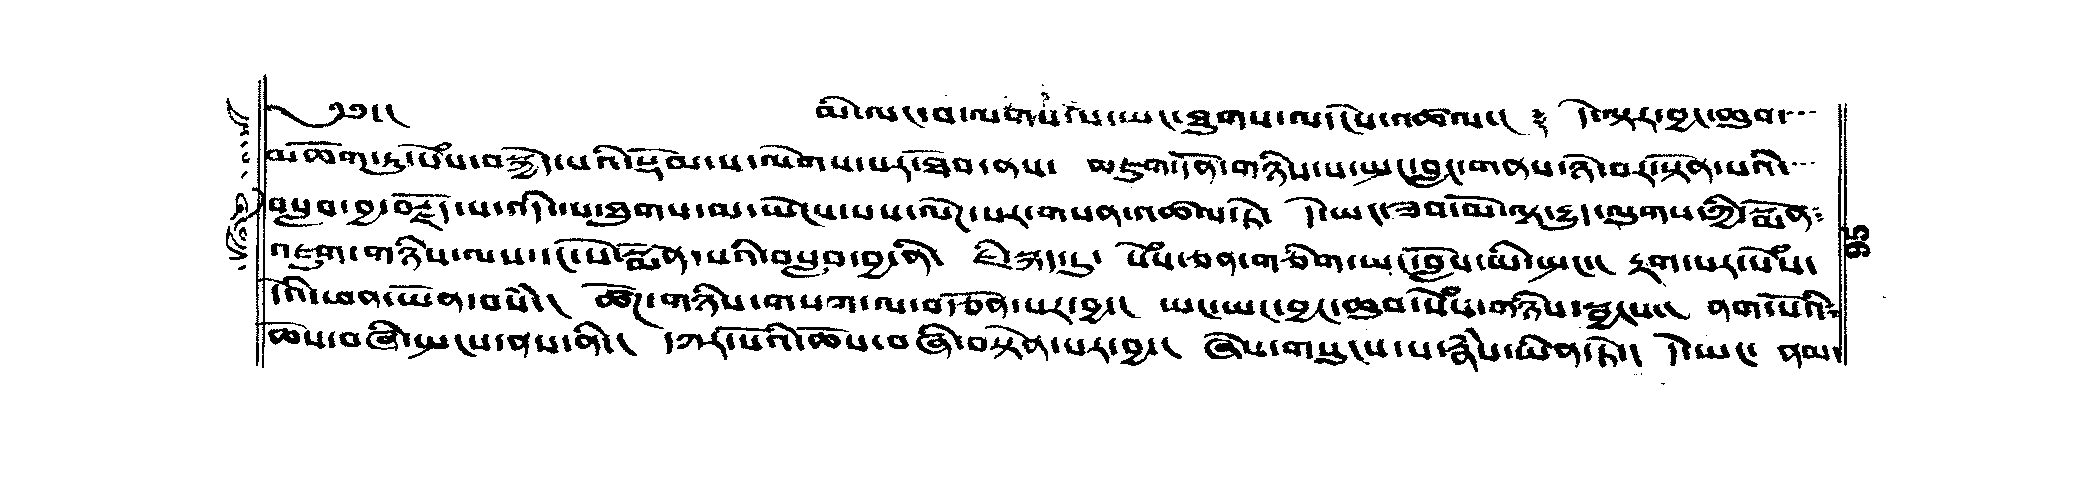མི་ལང་བ་ལགས་པ་ཡང་ཐུགས་ལ་ངེས་འཚལ། ༈ དེ་ལྟར་བྱང་ཆུབ་
མཆོག་ཏུ་སེམས་བསྐྱེད་པའི་སྡོམ་པ་ལེགས་པར་ཐོབ་ནས། མཇུག་དོན་གཉིས་པ་སྤང་བླང་གནས་ཉེ་བར་སྟོན་པའི་
བསླབ་བྱ་བརྗོད་པ་འདི་ལ་ཐུགས་མ་ཡོངས་པས་ལེགས་པར་གསན་འཚལ་ཏེ།དེ་ཡང་ཟབ་མོ་ལྟ་རྒྱུད་ལུགས་ཀྱི་སྨོན་
འཇུག་གཉིས་ལས་དང་པོ་སྨོན་པའི་བསླབ་བྱ་ནི། ཇི་སྐད་དུ། སེམས་ཅན་གཅིག་ཡང་བློས་ཡི་སྤང་། རྟག་པར་སེམས་
དེའི་ཕན་ཡོན་བསམ། ཚོགས་གཉིས་གསག་ལ་བརྩོན་པར་བྱ། ཡང་ཡང་བྱང་ཆུབ་སེམས་གཉིས་སྦྱངས། ནག་པོའི་
ཆོས་བཞི་ཡང་སྤངས་ནས་ནི། དཀར་པོའི་ཆོས་བཞི་བསྟེན་པར་བྱ། ཞེས་གསུངས་པ་རྣམས་ཡིན་ཏེ། དེ་ཡང་། ནམ་